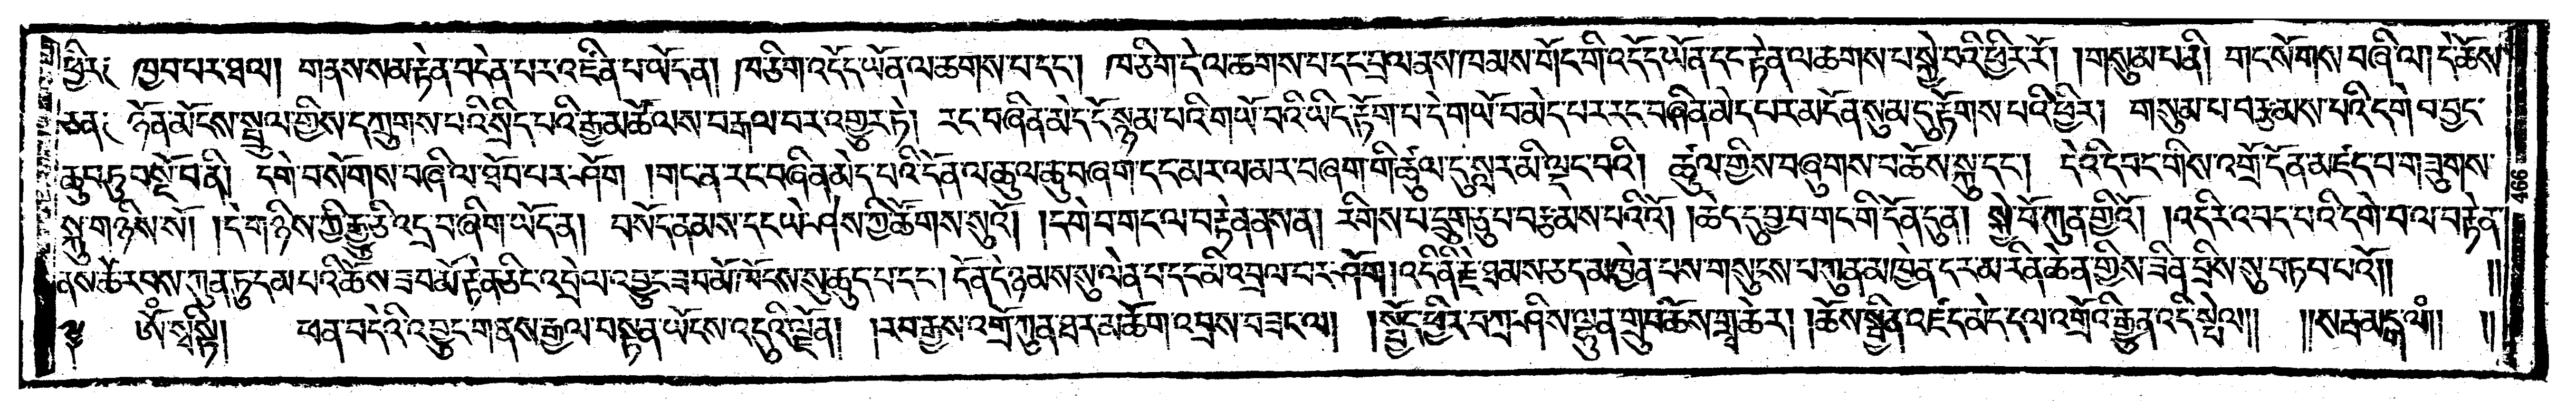ཕྱིར། ཁྱབ་པར་ཐལ། གནས་སམ་རྟེན་བདེན་པར་འཛིན་པ་ཡོད་ན། ཁ་ཅིག་འདོད་ཡོན་ལ་ཆགས་པ་དང་། ཁ་ཅིག་དེ་ལ་ཆགས་པ་དང་བྲལ་ནས་ཁམས་གོང་གི་འདོད་ཡོན་དང་རྟེན་ལ་ཆགས་པ་སྐྱེ་བའི་ཕྱིར་རོ། །གསུམ་པ་ནི། གང་སོགས་བཞི་ལ། དེ་ཆོས་
ཅན། ཉོན་མོངས་སྤྲུལ་གྱིས་དཀྲུགས་པའི་སྲིད་པའི་རྒྱ་མཚོ་ལས་བརྒལ་བར་འགྱུར་ཏེ། རང་བཞིན་མེད་དོ་སྙམ་པའི་གཡོ་བའི་ཡིད་རྟོག་པ་དེ་གཡོ་བ་མེད་པར་རང་བཞིན་མེད་པར་མངོན་སུམ་དུ་རྟོགས་པའི་ཕྱིར། གསུམ་པ་བརྩམས་པའི་དགེ་བ་བྱང་
ཆུབ་ཏུ་བསྔོ་བ་ནི། དགེ་བ་སོགས་བཞི་ལ་ཐོབ་པར་ཤོག །གང་ན་རང་བཞིན་མེད་པའི་དོན་ལ་ཆུ་ལ་ཆུ་བཞག་དང་མར་ལ་མར་བཞག་གི་ཚུལ་དུ་སླར་མི་ལྡང་བའི། ཚུལ་གྱིས་བཞུགས་པ་ཆོས་སྐུ་དང་། དེའི་དབང་གིས་འགྲོ་དོན་མཛད་པ་གཟུགས་
སྐུ་གཉིས་སོ། །དེ་གཉིས་ཀྱི་རྒྱུ་ཅི་འདྲ་བ་ཞིག་ཡོད་ན། བསོད་ནམས་དང་ཡེ་ཤེས་ཀྱི་ཚོགས་སུའོ། །དགེ་བ་གང་ལ་བརྟེན་ནས་ན། རིགས་པ་དྲུག་ཅུ་པ་བརྩམས་པའིའོ། །ཆེད་དུ་བྱ་བ་གང་གི་དོན་དུ་ན། སྐྱེ་བོ་ཀུན་གྱིའོ། །འདིར་འབད་པའི་དགེ་བ་ལ་བརྟེན་
ནས་ཚེ་རབས་ཀུན་ཏུ་དམ་པའི་ཆོས་ཟབ་མོ་རྟེན་ཅིང་འབྲེལ་འབྱུང་ཟབ་མོ་ཁོངས་སུ་ཆུད་པ་དང་། དོན་དེ་ཉམས་སུ་ལེན་པ་དང་མི་འབྲལ་བར་ཤོག །འདི་ནི་རྗེ་ཐམས་ཅད་མཁྱེན་པས་གསུངས་པ་ཀུན་མཁྱེན་དར་མ་རིན་ཆེན་གྱིས་ཟིན་བྲིས་སུ་བཏབ་པའོ།། །།
༈ ཨོཾ་སྭསྟི། ཕན་བདེའི་འབྱུང་གནས་རྒྱལ་བསྟན་ཡོངས་འདུའི་ལྗོན། །རབ་རྒྱས་འགྲོ་ཀུན་ཐར་མཆོག་འབྲས་བཟང་ལ། །སྤྱོད་ཕྱིར་བཀྲ་ཤིས་ལྷུན་གྲུབ་ཆོས་གྲྭ་ཆེར། །ཆོས་སྦྱིན་འཛད་མེད་དལ་འགྲོའི་རྒྱུན་འདི་སྤེལ།། །།སརྦ་མངྒ་ལཾ།། །།